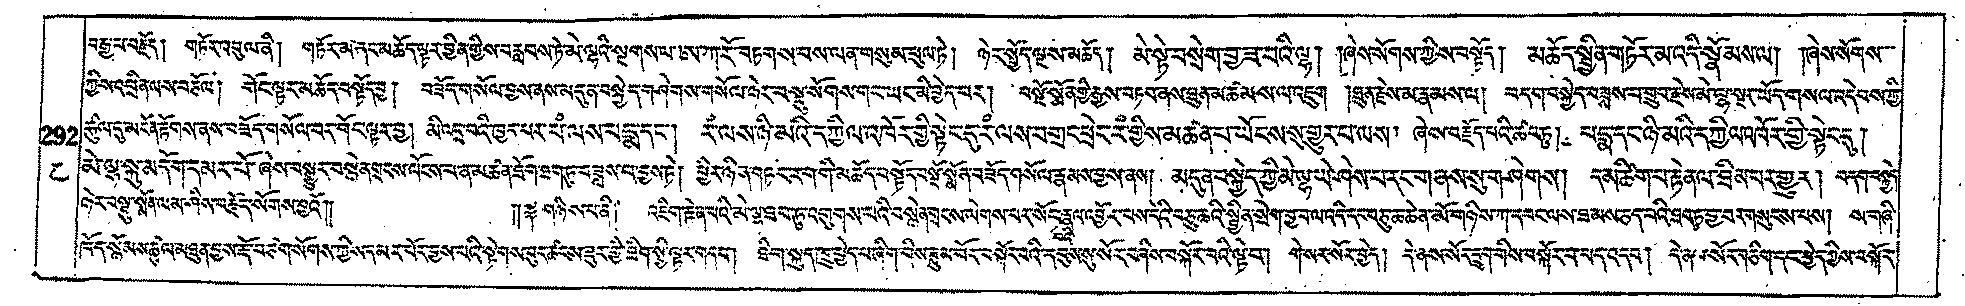བརྒྱ་པ་བརྗོད། གཏོར་འབུལ་ནི། གཏོར་མ་ནང་མཆོད་ལྟར་བྱིན་གྱིས་བརླབས་ཏེ་མེ་ལྷའི་སྔགས་ལ་ཨ་ཀ་རོ་བཏགས་པས་ལན་གསུམ་ཕུལ་ཏེ། ཉེར་སྤྱོད་ལྔས་མཆོད། མེ་སྟེ་བསྲེག་བྱ་ཟ་བའི་ལྷ། །ཞེས་སོགས་ཀྱིས་བསྟོད།  མཆོད་སྦྱིན་གཏོར་མ་འདི་སྣོམས་ལ། །ཞེས་སོགས་་་
ཀྱིས་འཕྲིན་ལས་བཅོལ། གོང་ལྟར་མཆོད་བསྟོད་བྱ། བཟོད་གསོལ་བྱས་ནས་མདུན་བསྐྱེད་གཤེགས་གསོལ་ཉེར་བསྡུ་སོགས་གང་ཡང་མི་བྱེད་པར། བསྔོ་སྨོན་གྱི་རྒྱས་བཏབ་ནས་ཐུན་མཚམས་ལ་འཇུག །ཐུན་རྗེས་མ་རྣམས་ལ། བདག་བསྐྱེད་བཟླས་པ་གྲུབ་རྗེས་མེ་ལྷ་སྔར་ཡོད་གསལ་འདེབས་ཀྱི་
ཚུལ་དུ་མངོན་རྟོགས་ནས་བཟོད་གསོལ་བར་གོང་ལྟར་བྱ། མི་འདྲ་བའི་ཁྱད་པར་པཾ་ལས་པདམ་དང་། རཾ་ལས་ཉི་མའི་དཀྱིལ་འཁོར་གྱི་སྟེང་དུ་རཾ་ལས་བགྲང་ཕྲེང་རཾ་གྱིས་མཚན་པ་ཡོངས་སུ་གྱུར་པ་ལས། ཞེས་བརྗོད་པའི་ཚབ་ཏུ།  པདམ་དང་ཉི་མའི་དཀྱིལ་འཁོར་གྱི་སྟེང་དུ།
མེ་ལྷ་སྐུ་མདོག་དམར་པོ་ཞེས་བསྒྱུར་བསྙེན་གྲངས་ལོངས་པ་ན་མཚན་ཐོག་ཐག་ཏུ་བཟླས་པ་བྱས་ཏེ། ཕྱིར་ཉིན་གཏང་རག་གི་མཆོད་བསྟོད་བསྔོ་སྨོན་བཟོད་གསོལ་རྣམས་བྱས་ནས།  མདུན་བསྐྱེད་ཀྱི་མེ་ལྷ་ཡེ་ཤེས་པ་རང་གནས་སུ་གཤེགས། དམ་ཚིག་པ་རྟེན་ལ་ཐིམ་པར་འགྱུར། བདག་བསྐྱེད་
ཉེར་བསྡུ་སྨོན་ལམ་ཤིས་བརྗོད་སོགས་བྱའོ།། །། འགྙིས་པ་ནི། འཇིག་རྟེན་པའི་མེ་ལྷ་ཐབ་ཏུ་འགུགས་པའི་བསྙེན་གྲངས་ལེགས་པར་སོང་བའི་རྣལ་འབྱོར་པས་དེའི་བཅུ་ཆའི་སྦྱིན་སྲེག་བྱ་བ་ལ་འདི་དང་བཅུ་ཆ་ཆེན་མོ་གཉིས་ཀ་དབང་ལས་ཐམས་ཅད་པའི་ཐབ་ཏུ་བྱ་བར་གསུངས་པས། ས་གཞི་
ཁོད་སྙོམས་ཚུལ་མཐུན་བྱས་རྡོ་བཙག་སོགས་ཀྱིས་དམར་པོར་བྱས་པའི་སྟེགས་བུར་ཚངས་ཟུར་གྱི་ཐིག་སྤྱི་ལྟར་གདབ། ཐིག་སྐུད་ཁྲུ་བྱེད་པ་ཞིག་གིས་ཟླུམ་པོར་བསྐོར་བའི་དབུས་སུ་སོར་བཞིས་བསྐོར་བའི་ལྟེ་བ། གེ་སར་སོར་ཕྱེད། དེ་ནས་སོར་དྲུག་གིས་བསྐོར་བ་པད་འདབ། དེ་ནས་སོར་གཅིག་དང་ཕྱེད་ཀྱིས་བསྐོར་